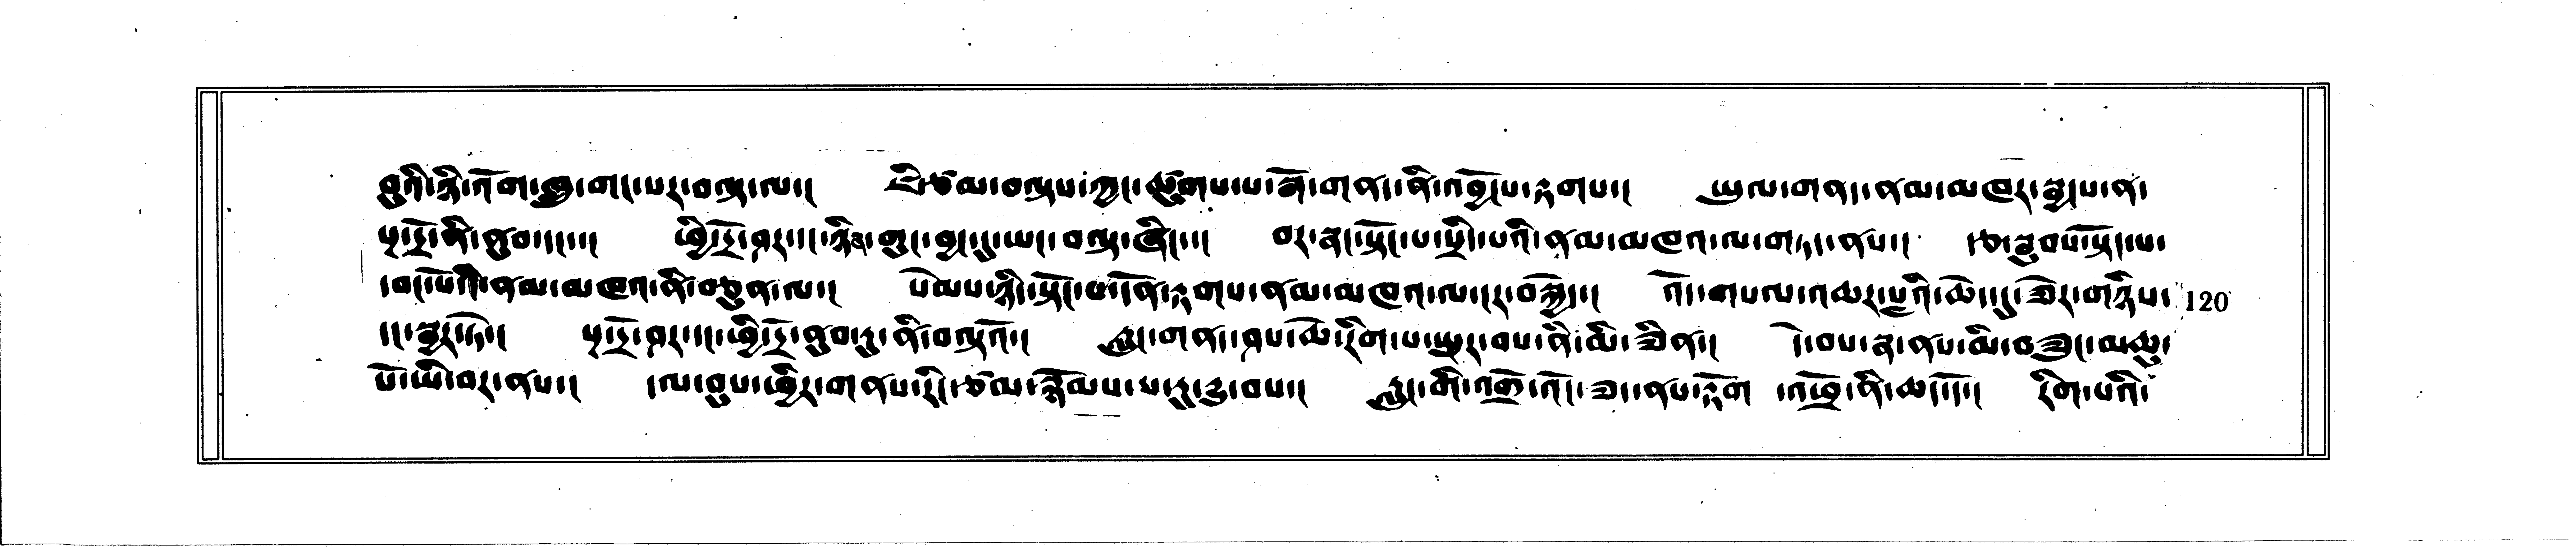བུའི་ཉི་འོག་ཁྲུ་གང་པར་བལྟ་ལ། །ཇི་ཙམ་བལྟས་ཀྱང་ཚུགས་པ་སྒོ་གནད་ནི་འབྱོངས་རྟགས། །ཡུལ་གནད་ནམ་མཁར་སྦྱངས་ན་
སྔ་དྲོ་ནི་ནུབ་དང་། །ཕྱི་དྲོ་ཤར་དང་ཉིན་གུང་བྱང་དུ་ཡང་བལྟ་ཞིང་། །བར་སྣང་སྟོང་པ་སྲིད་པའི་ནམ་མཁའ་ལ་གཏད་ནས། །རྩ་སྦུབས་སྟོད་པ་
དབང་པོའི་ནམ་མཁའ་ནི་གཅུན་ལ། །སེམས་ཉིད་སྟོང་པ་དོན་རྟགས་ནམ་མཁའ་ལ་ངར་བསྐྱེད། །འོད་གསལ་འཆར་སླའི་ཆེད་དུ་ཟེར་གཉིས་
དང་སྦྱར་ཏེ། །སྔ་དྲོ་ཤར་དང་ཕྱི་དྲོ་ནུབ་ཏུ་ནི་བལྟའོ། །རླུང་གནད་ཤས་ཆེ་རིག་པ་སྤུར་བས་ནི་མི་ཟིན། །དེ་བས་སྣ་ནས་མི་བཟུང་མཆུ་
སོ་ཡི་བར་ནས། །དལ་བུས་ཕྱིར་གནས་རིང་ཙམ་སྙོམས་པ་རུ་རྒྱུ་བས། །རླུང་གི་འགྲོ་འོང་ཟད་ནས་རྟོག་འཕྲོ་ནི་ཆད་དོ། །རིག་པའི་